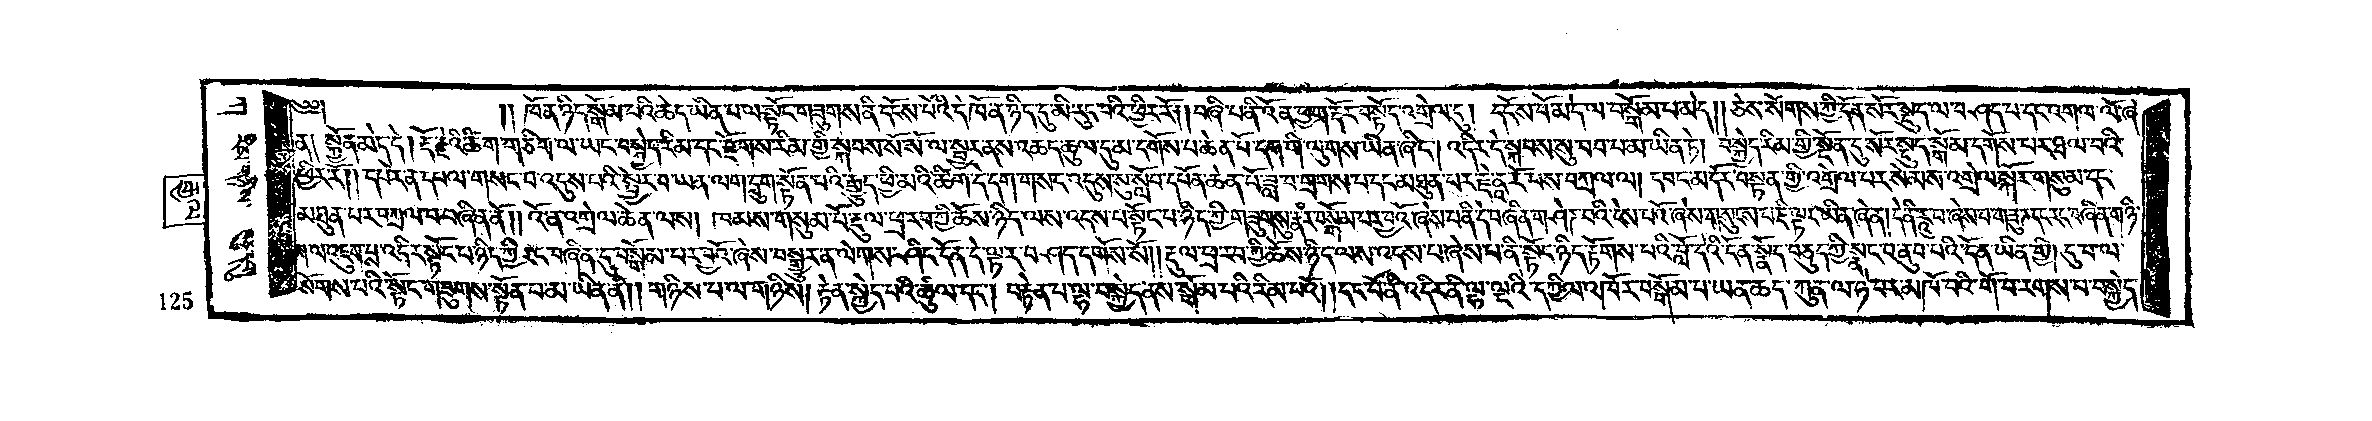༄༅། །ཁོ་ན་ཉིད་སྒོམ་པའི་ཆེད་ཡིན་པ་ལ་སྟོང་གཟུགས་ནི་དངོས་པོའི་དེ་ཁོ་ན་ཉིད་དུ་མི་རུང་བའི་ཕྱིར་རོ། །བཞི་པ་ནི་འོ་ན་ཕྱག་རྡོར་བསྟོད་འགྲེལ་དུ། དངོས་པོ་མེད་ལ་བསྒོམ་པ་མེད། །ཅེས་སོགས་ཀྱི་དོན་སོར་སྡུད་ལ་བཤད་པ་དང་འགལ་ལོ་ཞེ་
ན། སྐྱོན་མེད་དེ། རྡོ་རྗེའི་ཚིག་གཅིག་ལ་ཡང་བསྐྱེད་རིམ་དང་རྫོགས་རིམ་གྱི་སྐབས་སོ་སོ་ལ་སྦྱར་ནས་འཆད་ཆུལ་དུ་མ་དགོས་པ་ཆེན་པོ་དག་གི་ལུགས་ཡིན་ཞིང་། འདིར་དེ་སྐབས་སུ་བབ་པ་མ་ཡིན་ཏེ། བསྐྱེད་རིམ་གྱི་སྔོན་དུ་སོར་སྡུད་སྒོམ་དགོས་པར་ཐལ་བའི་
ཕྱིར་རོ། །དཔེར་ན་དཔལ་གསང་བ་འདུས་པའི་སྤྱོར་བ་ཡན་ལག་དྲུག་སྟོན་པའི་རྒྱུད་ཕྱི་མའི་ཚིག་དེ་དག་གསང་འདུས་སུ་སློབ་དཔོན་ཆེན་པོ་ཟླ་བ་གྲགས་པ་དང་མཐུན་པར་རྗེ་ནཱ་རོ་པས་བཀྲལ་ལ། དབང་མདོར་བསྟན་གྱི་འགྲེལ་པར་སེམས་འགྲེལ་སྐོར་གསུམ་དང་
མཐུན་པར་བཀྲལ་བ་བཞིན་ནོ། །འོ་ན་འགྲེལ་ཆེན་ལས། ཁམས་གསུམ་པོ་རྡུལ་ཕྲ་རབ་ཀྱི་ཆོས་ཉིད་ལས་འདས་པ་སྟོང་པ་ཉིད་ཀྱི་གཟུགས་སུ་རྣམས་བསྒོམ་པར་བྱའོ་ཞེས་པ་ནི་དེ་བཞིན་གཤེགས་པའི་ངེས་པའོ་ཞེས་གསུངས་པ་ཇི་ལྟར་ཡིན་ཞེ་ན། དེ་ནི་རླུ་བ་ཞེས་པ་གཟུགས་དང་རང་བཞིན་གཉི་
ག་ལ་འཇུག་པས་འདིར་སྟོང་པ་ཉིད་ཀྱི་རང་བཞིན་དུ་བསྒོམ་པར་བྱའོ་ཞེས་བསྒྱུར་ན་ལེགས་ཤིང་དོན་དེ་ལྟར་བཤད་དགོས་སོ། །རྡུལ་ཕྲ་རབ་ཀྱི་ཆོས་ཉིད་ལས་འདས་པ་ཞེས་པ་ནི་སྟོང་ཉིད་རྟོགས་པའི་བློ་དེའི་དོན་སྣོད་བཅུད་ཀྱི་སྣང་བ་ནུབ་པའི་དོན་ཡིན་གྱི། དུ་བ་ལ་
སོགས་པའི་སྟོང་གཟུགས་སྟོན་པ་མ་ཡིན་ནོ། །གཉིས་པ་ལ་གཉིས། རྟེན་སྐྱེད་པའི་ཚུལ་དང་། བརྟེན་པ་ལྷ་བསྐྱེད་ནས་སྒོམ་པའི་རིམ་པའོ། །དང་པོ་ནི་འདིར་ནི་ལྷ་ལྔའི་དཀྱིལ་འཁོར་བསྒོམ་པ་ཡན་ཆད་ཀུན་ལ་ཉེ་བར་མཁོ་བའི་གོ་བ་རགས་པ་བསྐྱེད་